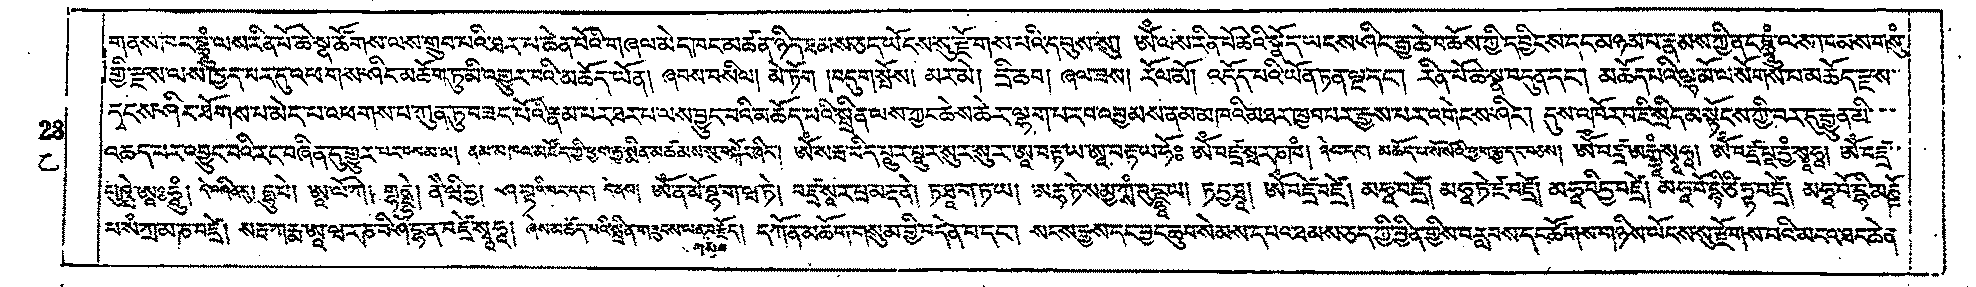གནས་ཁང་བྷྲཱུཾ་ལས་རིན་པོ་ཆེ་སྣ་ཚོགས་ལས་གྲུབ་པའི་ཐར་པ་ཆེན་པོའི་གཞལ་མེད་ཁང་མཚན་ཉིད་ཐམས་ཅད་ཡོངས་སུ་རྫོགས་པའི་དབུས་སུ། ཨོཾ་ལས་རིན་པོ་ཆེའི་སྣོད་ཡངས་ཤིང་རྒྱ་ཆེ་བ་ཆོས་ཀྱི་དབྱིངས་དང་མཉམ་པ་རྣམས་ཀྱི་ནང་བྷྲཱུཾ་ལས་ཁམས་གསུམ་
གྱི་རྫས་ལས་ཁྱད་པར་དུ་འཕགས་ཤིང་མཆོག་ཏུ་མི་འགྱུར་བའི་མཆོད་ཡོན། ཞབས་བསིལ། མེ་ཏོག །བདུག་སྤོས། མར་མེ། དྲི་ཆབ། ཞལ་ཟས། རོལ་མོ། འདོད་པའི་ཡོན་ཏན་ལྔ་དང་། རིན་པོ་ཆེ་སྣ་བདུན་དང་། མཆོད་པའི་ལྷ་མོ་ལ་སོགས་པ་མཆོད་རྫས་་་
དྭངས་ཤིང་ཐོགས་པ་མེད་པ་འཕགས་པ་ཀུན་ཏུ་བཟང་པོའི་རྣམ་པར་ཐར་པ་ལས་བྱུང་བའི་མཆོད་པའི་སྤྲིན་ལས་ཀྱང་ཆེས་ཆེར་ལྷག་པ་རབ་འབྱམས་ནམ་མཁའི་མཐར་ཁྱབ་པར་རྒྱས་པར་འགེངས་ཤིང་། དུས་འཁོར་བ་ཇི་སྲིད་མ་སྟོངས་ཀྱི་བར་དུ་རྒྱུན་མི་་་
འཆད་པར་འབྱུང་བའི་རང་བཞིན་དུ་གྱུར་པར་བསམ་ལ། ནམ་མཁའ་མཛོད་ཀྱི་ཕྱག་རྒྱ་སྨིན་མཚམས་སུ་བསྐོར་ཞིང་།  ཨོཾ་སརྦ་བིད་པཱུ་ར་པཱུ་ར་སུ་ར་སུ་ར་ཨཱ་བརྟ་ཡ་ཧོཿ ཨོཾ་བྫྲ་སྥ་ར་ཎ་ཁཾ། ཞེས་དང་། མཆོད་པ་སོ་སོའི་ཕྱག་རྒྱ་དང་བཅས།  ཨོཾ་བྫྲ་ཨརྒྷཱཾ་སྭཱ་ཧཱ། ཨོཾ་བྫྲ་པཱ་དྱཾ་སྭཱ་ཧཱ། ཨོཾ་བྫྲ་་་
པུཥྤེ་ཨཱཿཧཱུཾ། དེ་བཞིན་དུ། དྷུ་པེ། ཨཱ་ལོ་ཀེ། གྷནྡྷེ། ནཻ་ཝིདྱ། ཤཔྟའི་བར་དང་། དེ་ནས།  ཨོཾ་ན་མོ་བྷ་ག་ཝ་ཏེ། བྫྲ་སཱ་ར་པྲ་མ་རྡ་ནེ། ཏ་ཐཱ་ག་ཏ་ཡ། ཨརྷ་ཏེ་སྨྱ་ཀྶཾ་བུདྡྷཱ་ཡ། ཏདྱ་ཐཱ། ཨོཾ་བྫྲེ་བྫྲེ། མཧཱ་ཏེ་ཛ་བྫྲེ། མྷཱ་ཏེ་ཛ་བྫྲེ། མྷ་བདྱེ་བྫྲེ། མྷཱ་བོ་དྷི་ཙི་ཏཏ་བྫྲེ། མྷཱ་བོ་དྷི་མྞྚོ་
པ་སཾ་ཀྲ་མ་ཎ་བྫྲེ། སརྦ་ཀརྨ་ཨཱ་ཝ་ར་ཎ་བི་ཤོ་དྷ་ན་བྫྲེ་སྭཱཧཱ། ཞེས་མཆོད་པའི་སྤྲིན་གཟུངས་ལན་གསུམ་བརྗོད།  དཀོན་མཆོག་གསུམ་གྱི་བདེན་པ་དང་། སངས་རྒྱས་དང་བྱང་ཆུབ་སེམས་དཔའ་ཐམས་ཅད་ཀྱི་བྱིན་གྱིས་བརླབས་དང་ཚོགས་གཉིས་ཡོངས་སུ་རྫོགས་པའི་མངའ་ཐང་ཆེན་